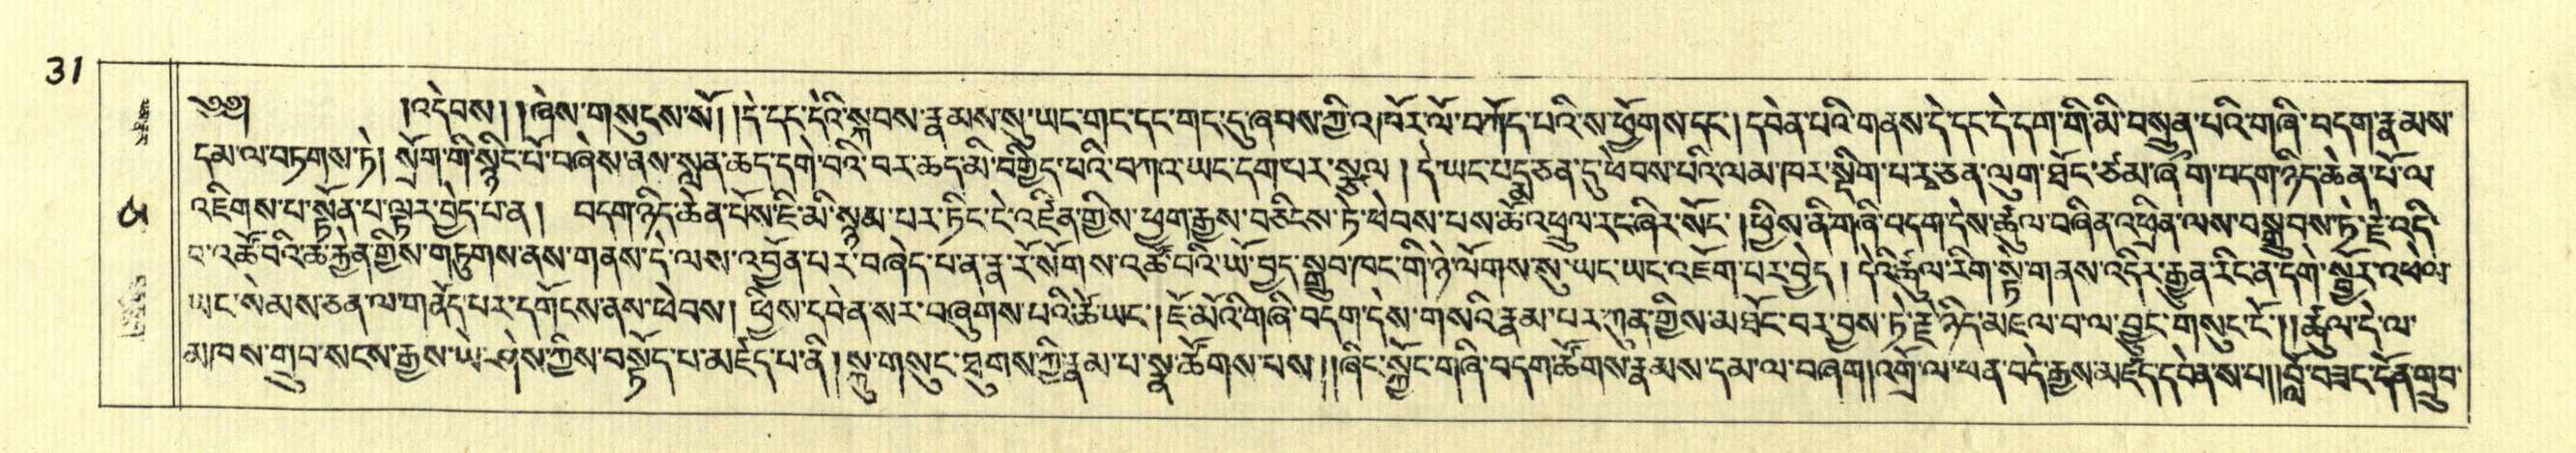༄༅། །འདེབས། །ཞེས་གསུངས་སོ། །དེ་དང་དེའི་སྐབས་རྣམས་སུ་ཡང་གང་དང་གང་དུ་ཞབས་ཀྱི་འཁོར་ལོ་བཀོད་པའི་ས་ཕྱོགས་དང་། དབེན་པའི་གནས་དེ་དང་དེ་དག་གི་མི་བསྲུན་པའི་གཞི་བདག་རྣམས་
དམ་ལ་བཏགས་ཏེ། སྲོག་གི་སྙིང་པོ་བཞེས་ནས་སླན་ཆད་དགེ་བའི་བར་ཆད་མི་བགྱིད་པའི་བཀའ་ཡང་དག་པར་སྩལ། དེ་ཡང་པདམ་ཅན་དུ་ཕེབས་པའི་ལམ་ཁར་སྡིག་པ་རྭ་ཅན་ལུག་ཐོང་ཙམ་ཞྀག་བདག་ཉིད་ཆེན་པོ་ལ་
འཇིགས་པ་སྟོན་པ་ལྟར་བྱེད་པ་ན། བདག་ཉིད་ཆེན་པོས་ཇི་མི་སྙམ་པར་ཏིང་ངེ་འཛིན་གྱིས་ཕྱག་རྒྱས་བཅིངས་ཏེ་ཕེབས་པས་ཆོ་འཕྲུལ་རང་ཞིང་སོང་།ཕྱིས་ནི་གཞི་བདག་དེས་ཚུལ་བཞིན་འཕྲིན་ལས་བསྒྲུབས་ཏེ་རྗེ་འདི་
བ་འཚོ་བའི་ཆ་རྐྱེན་གྱིས་གཏུགས་ནས་གནས་དེ་ལས་འབྱོན་པར་བཞེད་པ་ན་རྣ་རོ་སོགས་འཚོ་བའི་ཡོ་བྱད་སྒྲུབ་ཁང་གི་ཉེ་ལོགས་སུ་ཡང་ཡང་འཇོག་པར་བྱེད། དེའི་ཚུལ་རིག་སྟེ་གནས་འདིར་རྒྱུན་རིང་ན་དགེ་སྦྱོར་འཕེལ་
ཡང་སེམས་ཅན་ལ་གནོད་པར་དགོངས་ནས་ཕེབས། ཕྱིས་དབེན་སར་བཞུགས་པའི་ཚེ་ཡང་། ཇོ་མོའི་གཞི་བདག་དེས་གསའི་རྣམ་པར་ཀུན་གྱིས་མཐོང་བར་བྱས་ཏེ་རྗེ་ཉིད་མཇལ་པ་ལ་བྱུང་གསུང་ངོ། །ཚུལ་དེ་ལ་
མཁས་གྲུབ་སངས་རྒྱས་ཡེ་ཤེས་ཀྱིས་བསྟོད་པ་མཛད་པ་ནི། སྐུ་གསུང་ཐུགས་ཀྱི་རྣམ་པ་སྣ་ཚོགས་པས། །ཞིང་སྐྱོང་གཞི་བདག་ཚོགས་རྣམས་དམ་ལ་བཞག། །འགྲོ་ལ་ཕན་བདེ་རྒྱས་མཛད་དབེན་ས་པ། །བློ་བཟང་དོན་གྲུབ་